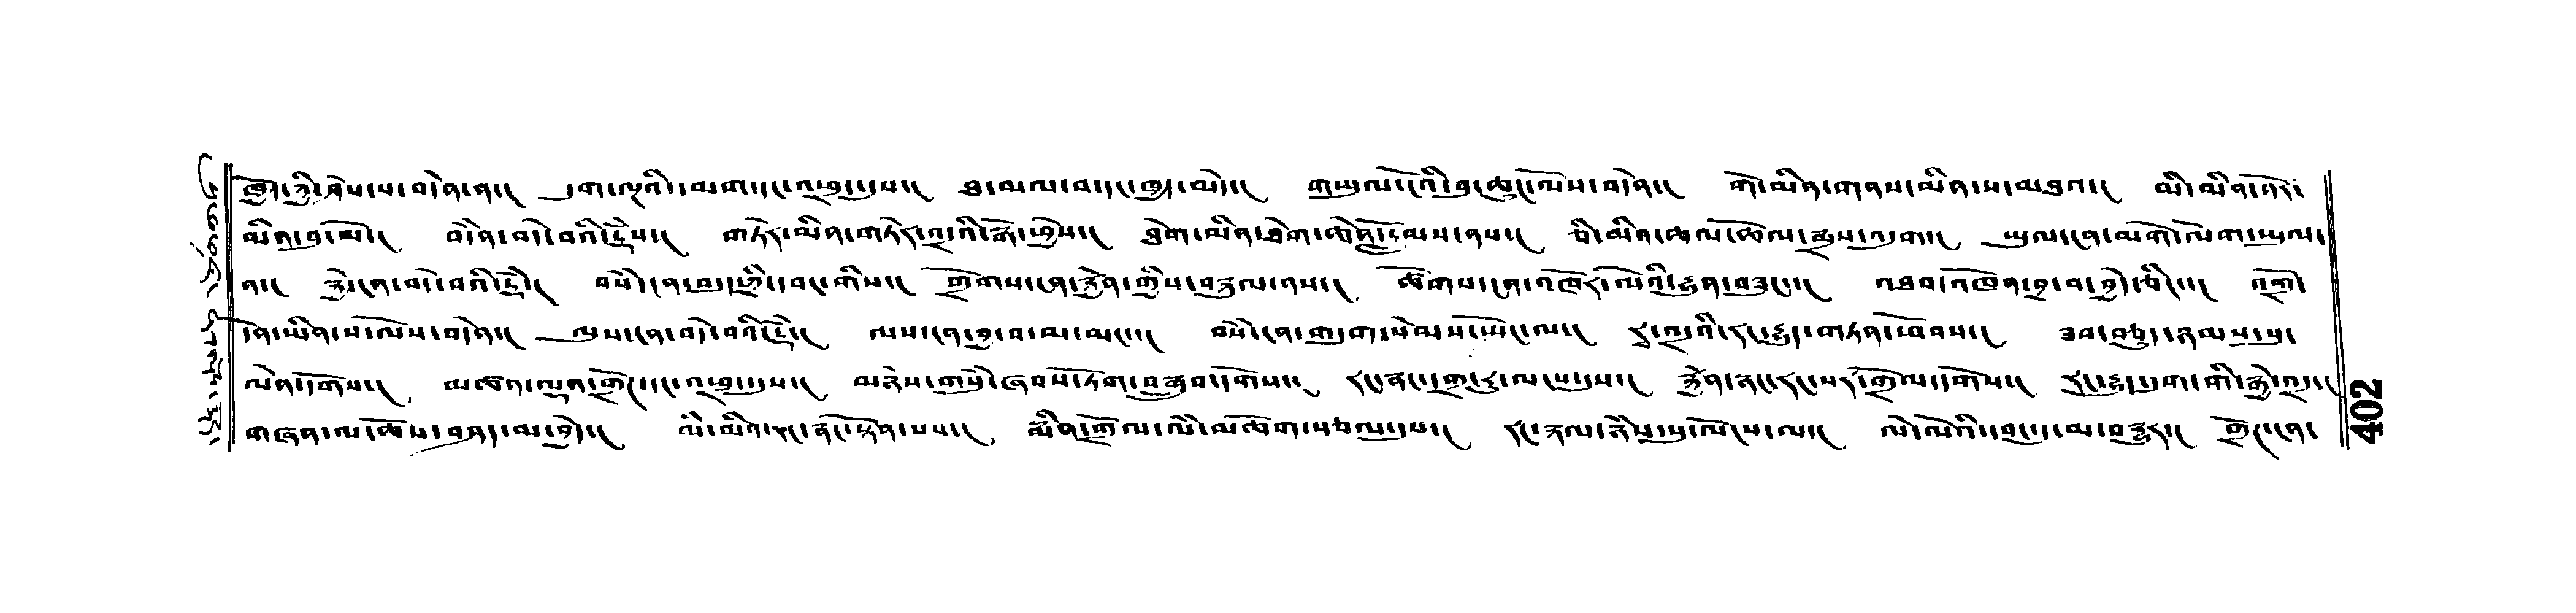ཁྱོད་ཀྱི་ཤེས་པ་བདེན་ན། །དུག་ལྔའི་དམག་དང་འཕྲད་དུས། །ཐ་མལ་བ་དང་ཁྱད་མེད། །གཡུལ་ངོའི་བུ་ཆུང་ལོས་བདེན། །གོ་མིན་གནས་མིན་ས་མཐའ། །མི་མིན་ནོར་
མིན་བུ་མོ། །བདེ་ཆེན་བདེ་བའི་རྡོ་རྗེས། །གཏེར་མིན་གཏེར་འདྲའི་སྒོ་ཕྱེས། །ཐེག་མིན་ཐེག་ཆེན་རློམས་ནས། །ཅི་མིན་ཆལ་ཆོལ་སྨྲས་འདུག །ཡུལ་ངན་མགོ་ལོག་ཡུལ་
ན། །སྐྱེ་ངན་བདེ་བའི་རྡོ་རྗེ། །བསམ་ངན་བདུད་ཀྱི་དབང་གིས། །གྲོགས་ངན་རྐྱེན་གྱིས་བསྐུལ་ནས། །ཚོགས་ངན་འཁོར་ལོའི་རྒྱུན་བཟུང་། །འཐབ་འཁོན་བྱ་བ་བྱེད་ཅིང་། །འགྲོ་
དོན་ཡིན་པ་ལོས་བདེན། །ལུས་ངན་བདེ་བའི་རྡོ་རྗེ། །ལས་ངན་བྱ་བ་མ་མང་། །བསམ་ངན་གདུག་སེམས་སྤོངས་ལ། །རྭ་འདྲའི་རང་རྒྱུད་གཏན་ཕོབས། །ཟབ་བཅུད་ཉམས་སུ་
ལེན་དགོས། །མཚན་ལྡན་གྲོགས་དང་འཕྲད་དུས། །མཉེས་གསུམ་ཞབས་ཏོག་བསྒྲུབ་དགོས། །རང་སྣང་དགྲ་རུ་ལངས་དུས། །རྐྱེན་སྣང་རང་སར་གྲོལ་དགོས། །རང་རྒྱུད་དུག་གི་སྒྱེ་འདྲ། །
གཞན་ལ་ཆོས་བཤད་མ་བྱེད། །མི་མིན་རང་སྣང་སྟོན་པས། །སྨིན་གྲོལ་ལམ་མཆོག་བསྩལ་དུས། །རང་སྐལ་ཉམས་སུ་ལོངས་ལ། །ལེ་ལོའི་དབང་དུ་མ་བསྐྱུར། །གྲོགས་ངན་